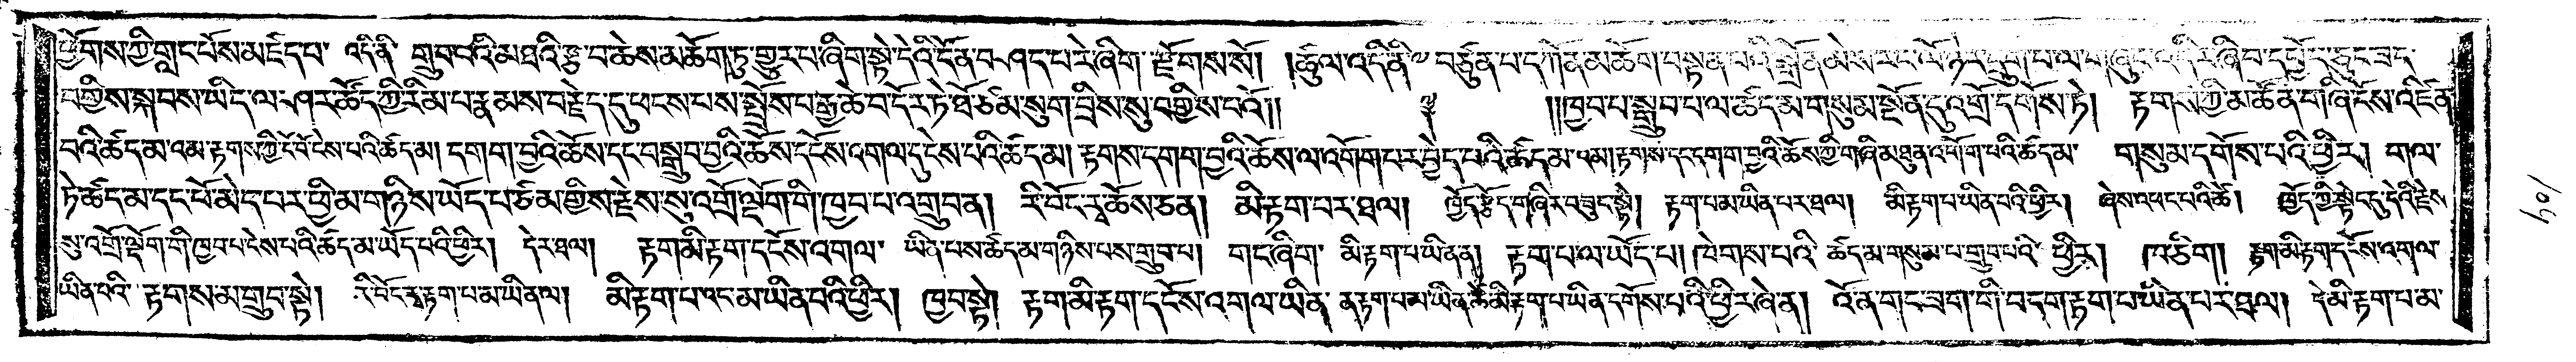ཕྱོགས་ཀྱི་གླང་པོས་མཛད་པ་འདི་ནི་གྲུབ་པའི་མཐའི་རྩ་བ་ཆེས་མཆོག་ཏུ་གྱུར་པ་ཞིག་སྟེ་དེའི་དོན་བཤད་པ་རེ་ཞིག་རྫོགས་སོ། །ཚུལ་འདི་ནི་བཙུན་པ་དཀོན་མཆོག་བསྟན་པའི་སྒྲོན་མེས་རང་ལོ་ཉེར་དྲུག་པ་ལ་གཞུང་འདིར་ཞིབ་དཔྱོད་ཅུང་ཟད་
བགྱིས་སྐབས་ཡིད་ལ་ཤར་ཚོད་ཀྱི་རིམ་པ་རྣམས་བརྗེད་དུ་ཕངས་པས་སྤྲོས་པ་རྒྱ་ཆེ་བ་དོར་ཏེ་ཐོ་ཙམ་སུག་བྲིས་སུ་བགྱིས་པའོ།། ༈ །།ཁྱབ་པ་སྒྲུབ་པ་ལ་ཚད་མ་གསུམ་སྔོན་དུ་འགྲོ་དགོས་ཏེ། རྟགས་ཀྱི་མཚོན་གཞི་ངོས་འཛིན་
བའི་ཚད་མ་བམ་རྟགས་ཀྱི་?་ངེས་བའི་ཚད་མ། དགག་བྱའི་ཆོས་དང་བསྒྲུབ་བྱའི་ཆོས་དངོས་འགལ་དུ་ངེས་པའི་ཚད་མ། རྟགས་དགག་བྱའི་ཆོས་ལ་འགོག་པར་བྱེད་པའི་ཚད་མ་འམ་།རྟགས་དང་དགག་བྱའི་ཆོས་ཀྱི་གཞི་མཐུན་འགོག་པའི་ཚད་མ་གསུམ་དགོས་པའི་ཕྱིར། གལ་
ཏེ་ཚད་མ་དང་པོ་མེད་པར་ཕྱི་མ་གཉིས་ཡོད་པ་ཙམ་གྱིས་རྗེས་སུ་འགྲོ་ལྡོག་གི་ཁྱབ་པ་འགྲུབ་ན། རི་བོང་རྭ་ཆོས་ཅན། མི་རྟག་པར་ཐལ། ཁྱོད་རྩོད་གཞིར་བཞུང?་སྟེ། རྟག་པ་མ་ཡིན་པར་ཐལ། མི་རྟག་པ་ཡིན་པའི་ཕྱིར། ཞེས་འཕང་པའི་ཚེ། ཁྱོད་ཀྱི་སྟེང་དུ་དེའི་རྗེས་
སུ་འགྲོ་ལྡོག་གི་ཁྱབ་པ་ངེས་པའི་ཚད་མ་ཡོད་པའི་ཕྱིར། དེར་ཐལ། རྟག་མི་རྟག་དངོས་འགལ་ཡིན་པས་ཚད་མ་གཉིས་པས་གྲུབ་པ། གང་ཞིག་མི་རྟག་པ་ཡིན་ན། རྟག་པ་ལ་ཡོད་པ། ཁེགས་པའི་ཚད་མ་གསུམ་པ་གྲུབ་པའི་ཕྱིར། ཁ་ཅིག། རྟག་མི་རྟག་དངོས་འགལ་
ཡིན་པའི་རྟགས་མ་གྲུབ་སྟེ། རི་བོང་རྭ་རྟག་པ་མ་ཡིན་ལ། མི་རྟག་པ་འང་མ་ཡིན་པའི་ཕྱིར། ཁྱབ་སྟེ། རྟག་མི་རྟག་དངོས་འགལ་ཡིན་ན་རྟག་པ་མ་ཡིན་ཚེ་མི་རྟག་པ་ཡིན་དགོས་པའི་ཕྱིར་ཞེ་ན། འོ་ན་གང་ཟག་གི་བདག་རྟག་པ་ཡིན་པར་ཐལ། དེ་མི་རྟག་པ་མ་